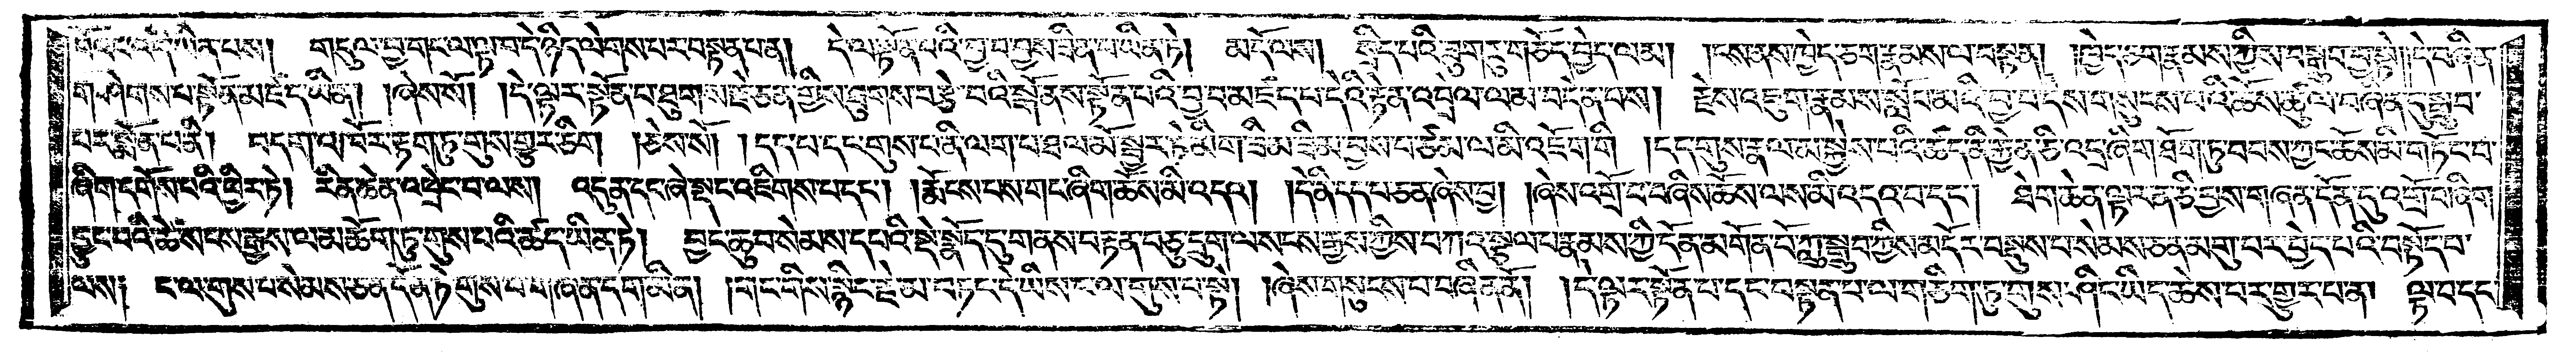བོའང་འདི་ཡིན་པས། གདུལ་བྱ་གང་ལ་ལྟར་བ་དེ་ཉིད་ལེགས་པར་བསྟན་པ་ན། དེ་ལ་སྟོན་པའི་བྱ་བ་བྱས་ཟིན་པ་ཡིན་ཏེ། མདོ་ལས། སྲིད་པའི་ཟུག་རྡུ་གཅོད་བྱེད་ལམ། །རས་ནས་ཁྱིད་ཅག་རྣམས་ལ་བསྟན། །ཁྱེད་ཅག་རྣམས་ཀྱིས་བསྒྲུབ་བྱ་སྟེ། །དེ་བཞིན་
གཤེགས་པ་སྟོན་མཛད་ཡིན། །ཞེས་སོ། །དེ་ལྟར་སྟོན་པ་ཐུགས་རྗེ་ཅན་གྱིས་ཐུགས་བརྩེ་བའི་སྒོ་ནས་སྟོན་པའི་བྱ་བ་མཛད་པ་དེའི་རྟེན་འབྲེལ་ལམ་བདེན་པས། རྗེས་འཇུག་རྣམས་སློབ་མའི་བྱ་བ་དེས་གསུངས་པའི་ཆོས་ཚུལ་བཞིན་དུ་སྒྲུབ་
པར་སྨོན་པ་ནི། བདག་ལ་འཁོར་རྟག་ཏུ་གུས་གྱུར་ཅིག །ཅེས་སོ། །དད་པ་དང་གུས་པ་ནི་ལག་པ་ཐལ་མོ་སྦྱར་ཏེ་མིག་ཟིམ་ཟིམ་བྱས་པ་ཙམ་ལ་མི་འཇོག་གི །དད་གུས་རྣལ་མ་སྐྱེས་པའི་ཚད་ནི་རྐྱེན་ཅི་འདྲ་ཞིག་ཐོག་ཏུ་བབས་ཀྱང་ཆོས་མི་གཏོང་བ་
ཞིག་དགོས་པའི་ཕྱིར་ཏེ། རིན་ཆེན་འཕྲེང་བ་ལས། འདུན་དང་ཞེ་སྡང་འཇིགས་པ་དང་། །རྨོངས་པས་གང་ཞིག་ཆོས་མི་འདའ། །དེ་ནི་དད་པ་ཅན་ཞེས་བྱ། །ཞེས་འགྲོ་བ་བཞིས་ཆོས་ལས་མི་འདའ་བ་དང་། ཐེག་ཆེན་ལྟར་ན་ཅི་བྱས་གཞན་དོན་དུ་འགྲོ་བ་ཞིག་
བྱུང་བའི་ཚེ་སངས་རྒྱས་ལ་མཆོག་ཏུ་གུས་པའི་ཚད་ཡིན་ཏེ། བྱང་ཆུབ་སེམས་དཔའི་སྡེ་སྣོད་དུ་གནས་བརྟན་བཅུ་དྲུག་ལ་སངས་རྒྱས་ཀྱིས་བཀའ་བསྩལ་པ་རྣམས་ཀྱི་དོན་མགོན་པོ་ཀླུ་སྒྲུབ་ཀྱིས་མདོར་བསྡུས་པ་སེམས་ཅན་མགུ་བར་བྱེད་པའི་བསྟོད་པ་
ལས༑ ང་ལ་གུས་པ་སེམས་ཅན་དོན་ཏེ་གུས་པ་གཞན་དག་མིན། །གང་གིས་སྙིང་རྗེ་མ་བཏང་དེ་ཡིས་ང་ལ་གུས་པ་སྟེ། །ཞེས་གསུངས་པ་བཞིན་ནོ། །དེ་ལྟར་སྟོན་པ་དང་བསྟན་པ་ལ་གཅིག་ཏུ་གུས་ཤིང་ཡིད་ཆེས་པར་གྱུར་པ་ན། ལྟ་བ་དང་